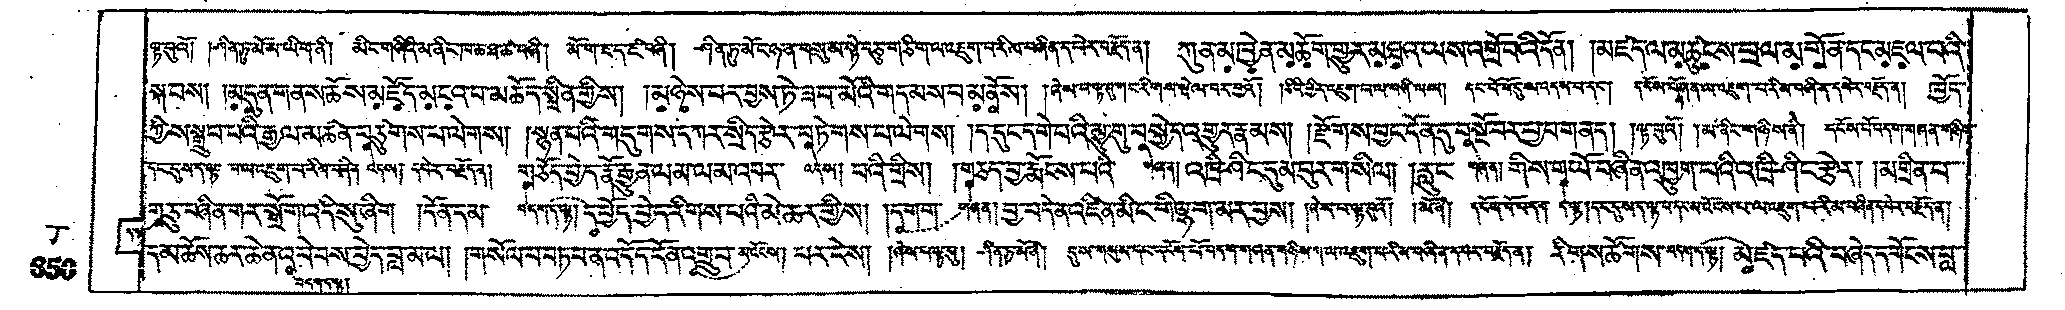ལྟ་བུའོ། །ཤིན་ཏུ་མོ་མ་ཡིག་ནི། མིང་གཞིའི་མ་ནིང་ཁ་ཆ་ཐ་ཚ་བཞི། མོ་ག་ཇ་ད་ཛ་བཞི། ཤིན་ཏུ་མོ་ང་ཉ་ན་གསུམ་སྟེ་བཅུ་གཅིག་ལ་འཇུག་པ་རིམ་བཞིན་དཔེར་བརྗོད་ན། ཀུན་མཁྱེན྾་མཆོག྾་གྱུར་མཐའ྾་ཡས་འགྲོ་བའི་དོན། །མཛད་ལ་མཚུངས྾་བྲལ་མགོན྾་དང་མཇལ྾་བའི་
སྐབས། །མདུན྾་གནས་ཆོས་མཛོད་མངའ྾་བ་མཆོད་སྦྲིན་གྱིས། །མཉེས྾་པར་བྱས་ཏེ་ཟབ་མོའི་གདམས་པ་མནོས྾། །ཞེས་པ་ལྟ་བུ་གང་རིགས་སྦེལ་བར་བྱའོ། །ཅིའི་ཕྱིར་འཇུག་པ་ལ་བཞི་ལས། དང་པོ་ཕོ་དུས་འདས་པ་དང་། དངོས་པོ་ག་ཞན་ལ་འཇུག་པ་རིམ་བཞིན་དཔེར་བརྗོད་ན།  ཁྱོད་
ཀྱིས་སྒྲུབ་པའི་རྒྱལ་མཚན་བཙུགས་པ་ལེགས། །སྙན་པའི་གདུགས་དཀར་སྲིད་རྩེར་བཏེགས་པ་ལེགས། །ད་དུང་དགེ་བའི་མྱུ་གུ་བསྐྱེད་འགྱུར་རྣམས། །རྫོགས་བྱང་དོན་དུ་བསྔོ་བར་བྱ་བ་གནད། །ལྟ་བུའོ། །མ་ནིང་གཉིས་ནི། དངོས་པོ་བདག་གཞན་གཉིས་
དང་དུས་ད་ལྟ་བ་ལ་འཇུག་པ་རིམ་བཞིན། འདས། དཔེར་བརྗོད་ན། གཅོད་བྱེད་རྣོ་རྒྱུན་ལམ་ལམ་འབར་འདས་བའི་གྲིས། །གཅད་བྱ་རྨོངས་པའི་གཞན།  འཁྲི་ཤིང་དུམ་བུར་གསིལ། །རླུང་གཞན།  གིས་གཡོ་བཞིན་འཁྱུག་པའི་འཁྲི་ཤིང་རྩེར། །མགྲིན་པ་་་
གཅུ་བཞིན་གར་སྒྲོག་འདི་སུ་ཞིག །དོན་དམ་བདག་ད་ལྟ།  དཔྱོད྾་བྱེད་རིགས་པའི་མེ་ཆར་གྱིས། །དགག་གཞན་བྱ་བདེན་འཛིན་མིང་གི་ལྷག་མར་བྱས། །ཞེས་པ་ལྟ་བུའོ། །མོ་ནི། དངོས་པོ་བདག་ད་ལྟ། དང་དུས་ད་ལྟ་བ་དང་མ་འོངས་པ་ལ་འཇུག་པ་རིམ་བཞིན་དཔེར་བརྗོད་ན།
དམ་ཆོས་ཆར་ཆེན་བདག་ད་ལྟ་འབེབས་བྱེད་བླ་མ་ལ། །གསོལ་བ་བཏབ་ན་འདོད་དོན་འགྲུབ་མ་འོངས། པར་ངེས། །ཞེས་པ་ལྟ་བུ། ཤིན་ཏུ་མོ་ནི། དུས་གསུམ་དང་དངོས་པོ་བདག་གཞན་གཉིས་ཀ་ལ་འཇུག་པ་རིམ་བཞིན་དཔར་བརྗོད་ན།  རིགས་ཚོགས་བདག་ལྟ།  མཛད྾་པའི་བཞེད་དགོངས་བླ་་་